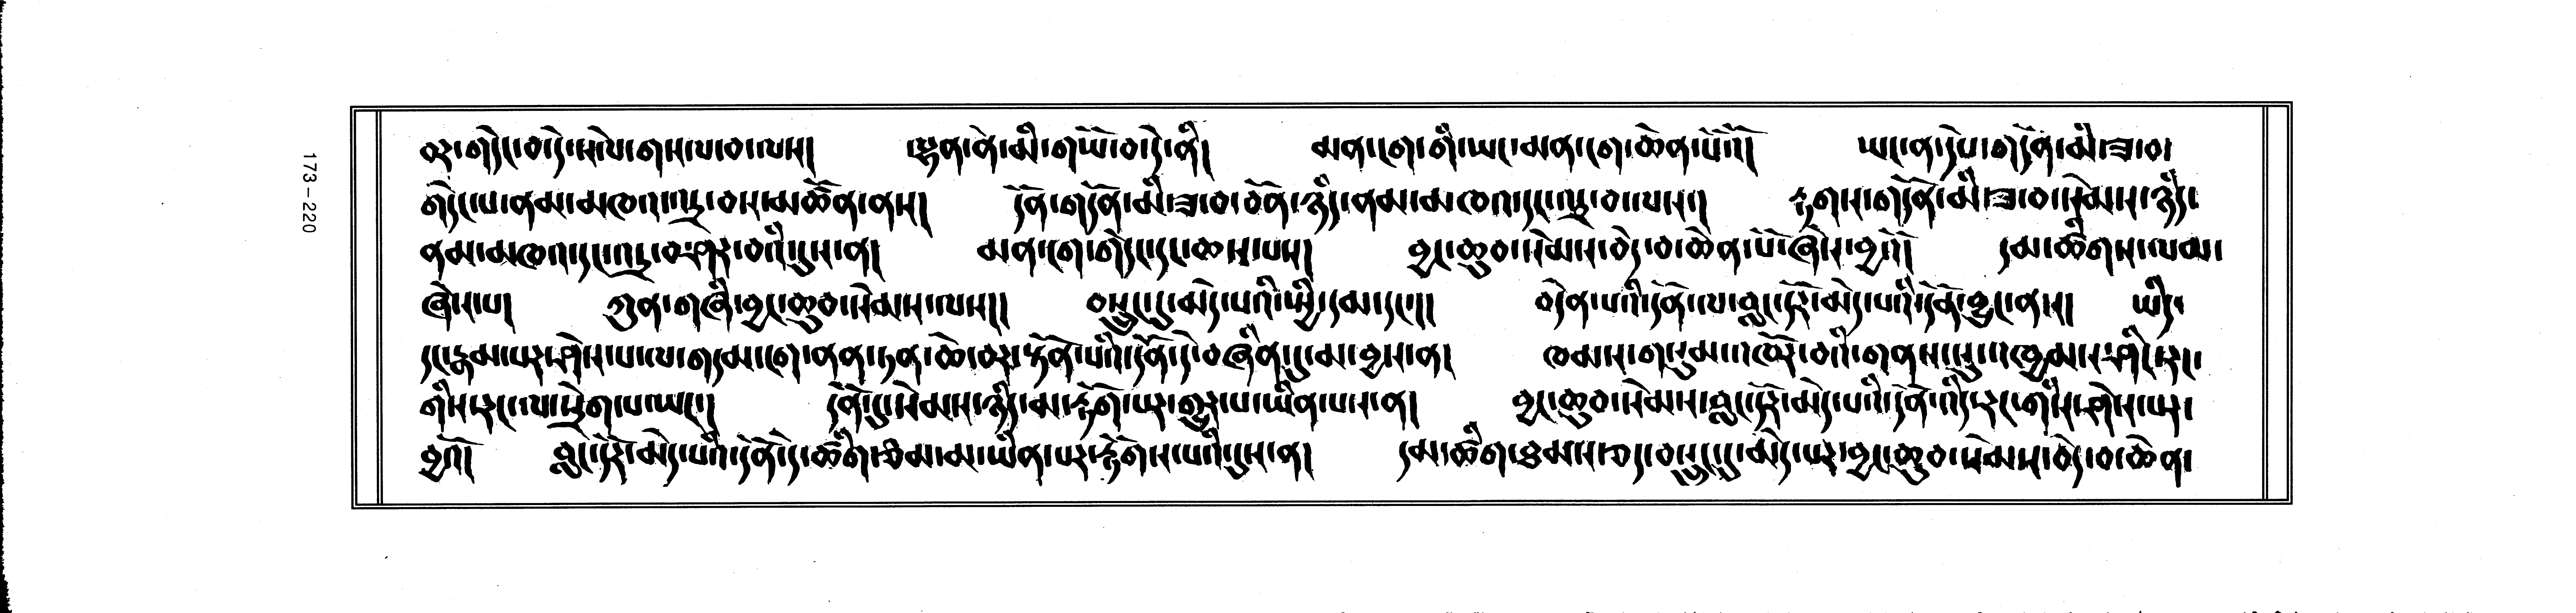བར་གདེང་བ་དེ་སལེ་གསལ་བ་ལས། ལྷན་ནེ་མི་གཡོ་བ་དེ་ནི། མན་ངག་གི་ཡང་མན་ངག་ཆེན་པོའོ། །ཡང་ན་དཔེ་དོན་མི་ཟ་བ་
གདེངས་པ་ནམ་མཁའ་འདྲ་བས་མཚོན་ནས། དོན་གདོན་མི་ཟ་བ་བོན་ཉིད་ནམ་མཁའ་དང་འདྲ་བ་ལས། རྟགས་གདོན་མི་ཟ་བ་སེམས་ཉིད་
ནམ་མཁའ་དང་འདྲ་བ་ཤར་བའི་དུས་ན། མན་ངག་གདེང་དང་ཆས་པས། བྱང་ཆུབ་སེམས་བདེ་བ་ཆེན་པོ་ཞེས་བྱའོ། །དམ་ཚིག་ལམ་
ཞེས་པ། ཀུན་གཞི་བྱང་ཆུབ་སེམས་ལས། བསྲུང་དུ་མེད་པའི་སྤྱི་དམ་དང་། བདེན་པའི་དོན་ལ་བླང་དོར་མེད་པའི་དོན་བྱུང་ནས། ཡིད་
དང་རྣམ་པར་ཤེས་པ་ལ་གདམས་ངག་ནན་ཏན་ཆེ་བར་སྟོན་པའི་དོན་དེ་བཞིན་དུ་མ་བྱས་ན། ཁམས་གསུམ་འཁོར་བའི་གནས་སུ་འཁྱམས་ཤིང་རང་
གིས་རང་ལ་སྲེག་པ་ཡང་། དོན་དུ་སེམས་ཉིད་མ་རྟོགས་པར་གྱུར་པ་ཡིན་པས་ན། བྱང་ཆུབ་སེམས་བླང་དོར་མེད་པའི་དོན་འདི་རང་གིས་ཤེས་པར་
བྱའོ། །བླང་དོར་མེད་པའི་དོན་དེ་ཚིག་ཙམ་མ་ཡིན་པར་རྟོགས་པའི་དུས་ན། དམ་ཚིག་ཐམས་ཅད་སྲུང་དུ་མེད་པར་བྱང་ཆུབ་སེམས་བདེ་བ་ཆེན་